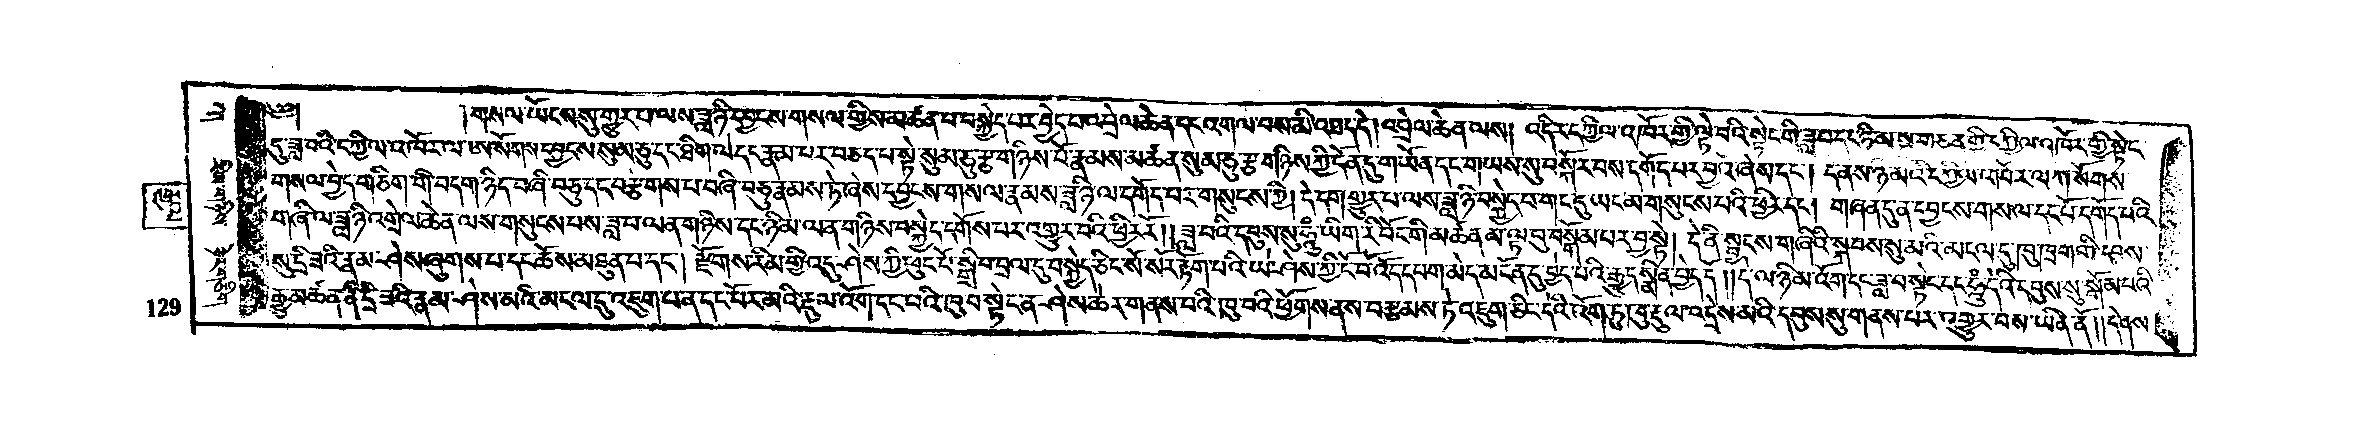༄༅། །གསལ་ཡོངས་སུ་གྱུར་པ་ལས་ཟླ་ཉི་དབྱངས་གསལ་གྱིས་མཚན་པ་བསྐྱེད་པར་བྱེད་པ་འབྲེལ་ཆེན་དང་འགལ་བས་མི་འཐད་དེ། འབྲེལ་ཆེན་ལས། འདིར་དཀྱིལ་འཁོར་གྱི་ལྟེ་བའི་སྟེང་གི་ཟླ་བ་དང་ཉི་མ་སྒྲ་གཅན་གྱི་དཀྱིལ་འཁོར་གྱི་སྟེང་
དུ་ཟླ་བའི་དཀྱིལ་འཁོར་ལ་ཨ་སོགས་དབྱངས་སུམ་ཅུ་དང་ཐིག་ལེ་དང་རྣམ་པར་བཅད་པ་སྟེ་སུམ་ཅུ་རྩ་གཉིས་པོ་རྣམས་མཚན་སུམ་ཅུ་རྩ་གཉིས་ཀྱི་དོན་དུ་གཡོན་དང་གཡས་སུ་བསྐོར་བས་དགོད་པར་བྱའོ་ཞེས་དང་། དེ་ནས་ཉི་མའི་དཀྱིལ་འཁོར་ལ་ཀ་སོགས་
གསལ་བྱེད་གཅིག་གི་བདག་ཉིད་བཞི་བཅུ་དང་བརྩེགས་པ་བཞི་བཅུ་རྣམས་ཏེ་ཞེས་དབྱངས་གསལ་རྣམས་ཟླ་ཉི་ལ་དགོད་པར་གསུངས་ཀྱི། དེ་དག་གྱུར་པ་ལས་ཟླ་ཉི་བསྐྱེད་པ་གང་དུ་ཡང་མ་གསུངས་པའི་ཕྱིར་དང་། གཞན་དུ་ན་དབྱངས་གསལ་དང་པོ་དགོད་པའི་
གཞི་ལ་ཟླ་ཉི་འགྲེལ་ཆེན་ལས་གསུངས་པས་ཟླ་བ་ལན་གཉིས་དང་ཉི་མ་ལན་གཉིས་བསྐྱེད་དགོས་པར་འགྱུར་བའི་ཕྱིར་རོ། །ཟླ་བའི་དབུས་སུ་ཧཱུཾ་ཡིག་རི་བོང་གི་མཚན་མ་ལྟ་བུ་བསྒོམ་པར་བྱ་སྟེ། དེ་ནི་སྦྱངས་གཞིའི་སྐབས་སུ་མའི་མངལ་དུ་ཁུ་ཁྲག་གི་དབུས་
སུ་དྲི་ཟའི་རྣམ་ཤེས་ཞུགས་པ་དང་ཆོས་མཐུན་པ་དང་། རྫོགས་རིམ་གྱི་འདུ་ཤེས་ཀྱི་ཕུང་པོ་སྒྲིབ་བྲལ་དུ་བསྐྱེད་ཅིང་སོ་སོར་རྟོག་པའི་ཡེ་ཤེས་ཀྱི་ངོ་བོ་འོད་དཔག་མེད་མངོན་དུ་བྱེད་པའི་རྒྱུད་སྨིན་བྱེད་དོ། །དེ་ལ་ཉི་མ་འོག་དང་ཟླ་བ་སྟེང་དང་ཧཱུཾ་དེའི་དབུས་སུ་སྒོམ་པའི་
རྒྱུ་མཚན་ནི་དྲི་ཟའི་རྣམ་ཤེས་མའི་མངལ་དུ་འཇུག་པ་ན་དང་པོར་མའི་རྡུལ་འོག་དང་པའི་ཁུ་བ་སྟེང་ན་ཤེས་ཆེར་གནས་པའི་ཁུ་བའི་ཕྱོགས་ནས་བརྩམས་ཏེ་འཇུག་ཅིང་དེའི་འོག་ཏུ་ཁུ་རྡུལ་འདྲེས་མའི་དབུས་སུ་གནས་པར་འགྱུར་བས་ཡིན་ནོ། །དེ་ནས་